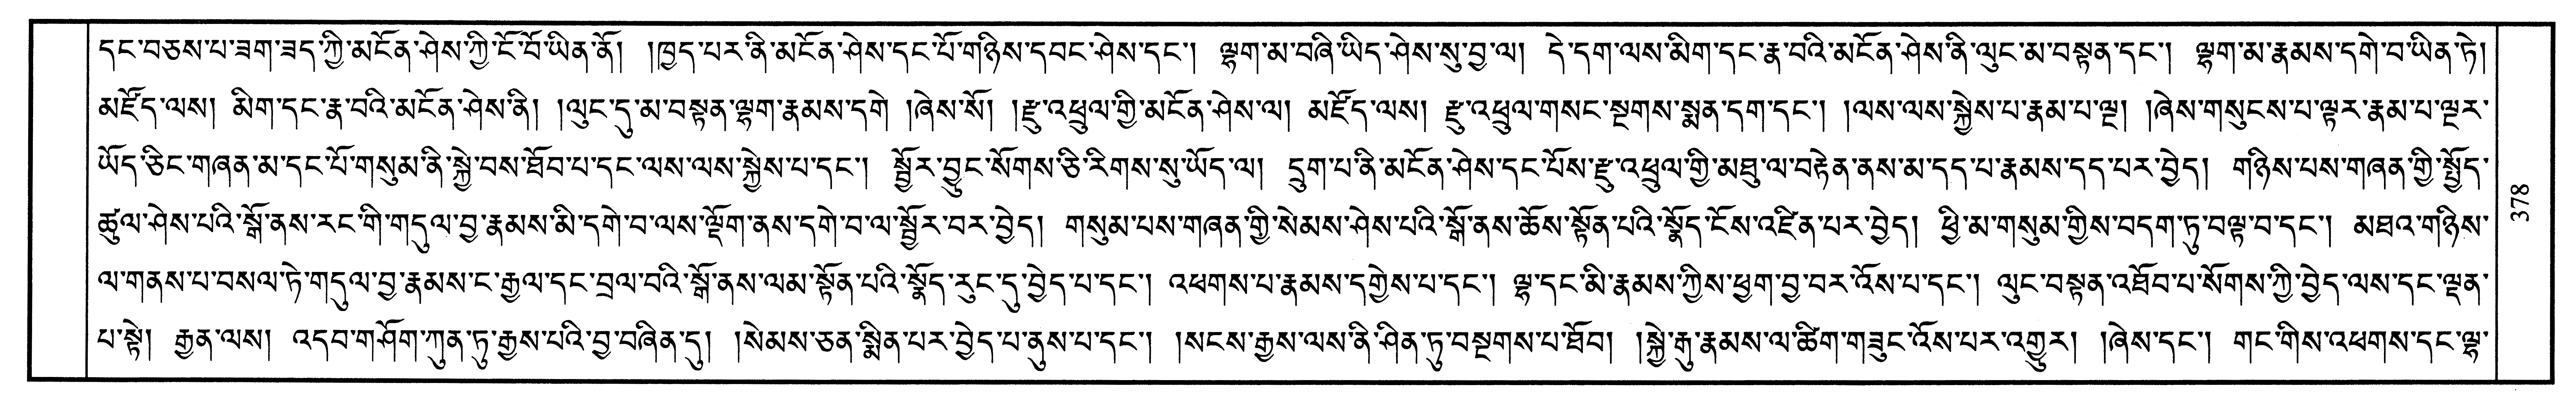དང་བཅས་པ་ཟག་ཟད་ཀྱི་མངོན་ཤེས་ཀྱི་ངོ་བོ་ཡིན་ནོ། །ཁྱད་པར་ནི་མངོན་ཤེས་དང་པོ་གཉིས་དབང་ཤེས་དང་། ལྷག་མ་བཞི་ཡིད་ཤེས་སུ་བྱ་ལ། དེ་དག་ལས་མིག་དང་རྣ་བའི་མངོན་ཤེས་ནི་ལུང་མ་བསྟན་དང་། ལྷག་མར་ནམས་དགེ་བ་ཡིན་ཏེ།
མཛོད་ལས། མིག་དང་རྣ་བའི་མངོན་ཤེས་ནི། །ལུང་དུ་མ་བསྟན་ལྷག་རྣམས་དགེ །ཞེས་སོ། །རྫུ་འཕྲུལ་གྱི་མངོན་ཤེས་ལ། མཛོད་ལས། རྫུ་འཕྲུལ་གསང་སྔག་སྨན་དག་དང་། །ལས་ལས་སྐྱེས་པ་རྣམ་པ་ལྔ། །ཞེས་གསུངས་པ་ལྟར་རྣམ་པ་ལྔར་
ཡོད་ཅིང་གཞན་མ་དང་པོ་གསུམ་ནི་སྐྱེ་བས་ཐོབ་པ་དང་ལས་ལས་སྐྱེས་པ་དང་། སྦྱོར་བྱུང་སོགས་ཅི་རིགས་སུ་ཡོད་ལ། དྲུག་པ་ནི་མངོན་ཤེས་དང་པོས་རྫུ་འཕྲུལ་གྱི་མཐུ་ལ་བརྟེན་ནས་མ་དད་པ་རྣམས་དད་པ་བྱེད། གཉིས་པས་གཞན་གྱི་སྤྱོད་
ཚུལ་ཤེས་པའི་སྒོ་ནས་རང་གི་གདུལ་བྱ་རྣམས་མི་དགེ་བ་ལས་ལྡོག་ནས་དགེ་བ་ལ་སྦྱོར་བར་བྱེད། གསུམ་པས་གཞན་གྱི་སེམས་ཤེས་པའི་སྒོ་ནས་ཆོས་སྟོན་པའི་སྣོད་ངོས་འཛིན་པར་བྱེད། ཕྱི་མ་གསུམ་གྱིས་བདག་ཏུ་བལྟ་བ་དང་། མཐའ་གཉིས་
ལ་གནས་པ་བསལ་ཏེ་གདུལ་བྱ་རྣམས་ང་རྒྱལ་དང་བྲལ་བའི་སྒོ་ནས་ལམ་སྟོན་པའི་སྣོད་རུང་དུ་བྱེད་པ་དང་། འཕགས་པ་རྣམས་དགྱེས་པ་དང་། ལྷ་དང་མི་རྣམས་ཀྱིས་ཕྱག་བྱ་བར་འོས་པ་དང་། ལུང་བསྟན་འཐོབ་པ་སོགས་ཀྱི་བྱེད་ལས་དང་ལྡན་
པ་སྟེ། རྒྱན་ལས། འདབ་གཤོག་ཀུན་ཏུ་རྒྱས་པའི་བྱ་བཞིན་དུ། །སེམས་ཅན་སྨིན་པར་བྱེད་པ་ནུས་པ་དང་། །སངས་རྒྱས་ལས་ནི་ཤིན་ཏུ་བསྔགས་པ་ཐོབ། །སྐྱེ་རྒྱུ་རྣམས་ལ་ཚིག་གཟུང་འོས་པར་འགྱུར། །ཞེས་དང་། གང་གིས་འཕགས་དང་ལྷ་